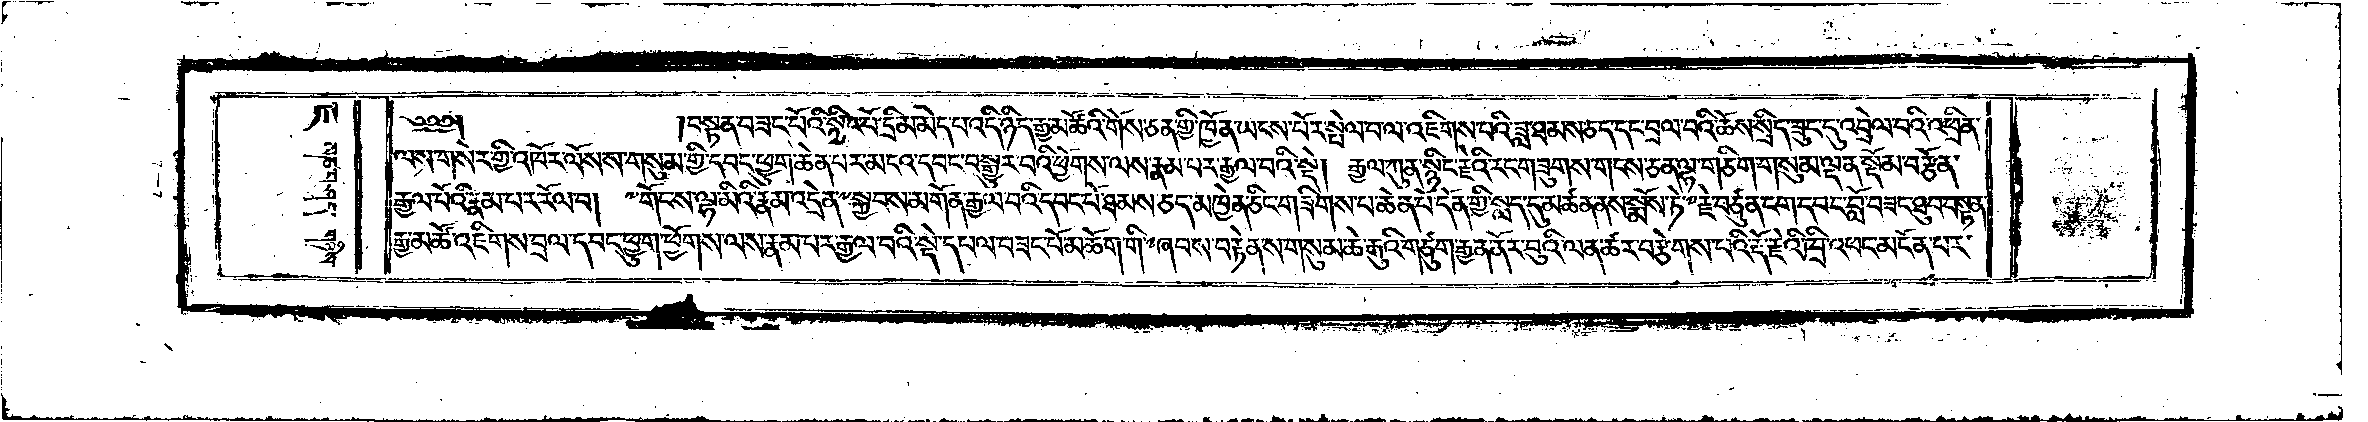༄༅༅། །བསྟན་བཟང་པོའི་སྙིང་པོ་དྲི་མ་མེད་པ་འདི་ཉིད་རྒྱ་མཚོའི་གོས་ཅན་གྱི་ཁྱོན་ཡངས་པོར་སྤེལ་བ་ལ་འཇིགས་པའི་ཟླ་ཐམས་ཅད་དང་བྲལ་བའི་ཚེས་སྲིད་ཟུང་དུ་འབྲེལ་བའི་འཕྲིན་
ལས་གསེར་གྱི་འཁོར་ལོས་ས་གསུམ་གྱི་དབང་ཕྱུག་ཆེན་པར་མངའ་དབང་བསྒྱུར་བའི་ཕྱོགས་ལས་རྣམ་པར་རྒྱལ་བའི་སྡེ། རྒྱལ་ཀུན་སྙིང་རྗེའི་རང་གཟུགས་གངས་ཅན་ལྷ་གཅིག་གསུམ་ལྡན་སྡོམ་བརྩོན་
རྒྱལ་པོའི་རྣམ་པར་རོལ་བ། ༧་གོངས་ལྷ་མིའི་རྣམ་འདྲེན ༧སྐྱབས་མགོན་རྒྱལ་བའི་དབང་པོ་ཐམས་ཅད་མཁྱེན་ཅིང་གཟིགས་པ་ཆེན་པོ་དོན་གྱི་སླད་དུ་མཚན་ནས་སྨོས་ཏེ་རྗེ་བཙུན་ངག་དབང་བློ་བཟང་ཐུབ་བསྟན་
རྒྱ་མཚོ་འཇིགས་བྲལ་དབང་ཕྱུག་ཕྱོགས་ལས་རྣམ་པར་རྒྱལ་བའི་སྡེ་དཔལ་བཟང་པོ་མཆོག་གི ༧ཞབས་བརྟེན་ས་གསུམ་ཆེ་རྒུའི་གཙུག་རྒྱན་ནོར་བུའི་ལན་ཚར་བརྩེགས་པའི་རྡོ་རྗེའི་ཁྲི་འཕང་མངོན་པར་